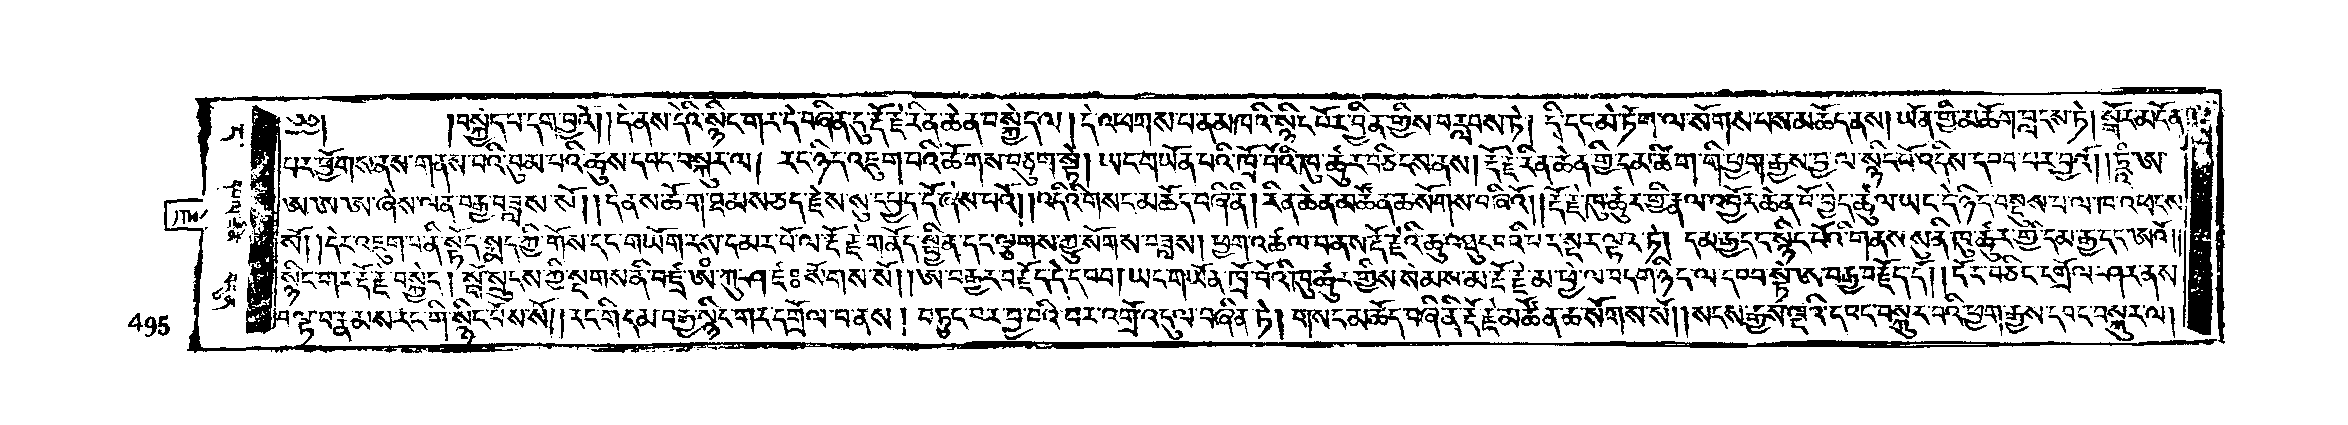༄༅། །བསྐྱེད་པ་དག་བྱའོ། །དེ་ནས་དེའི་སྙིང་གར་དེ་བཞིན་དུ་རྡོ་རྗེ་རིན་ཆེན་བསྐྱེད་ལ། དེ་འཕགས་པ་ནམ་མཁའི་སྙིང་པོར་བྱིན་གྱིས་བརླབས་ཏེ། དྲི་དང་མེ་ཏོག་ལ་སོགས་པས་མཆོད་ནས། ཡོན་གྱི་མཆོག་བླངས་ཏེ། སྒོར་མངོན་
པར་ཕྱོགས་ནས་གནས་པའི་བུམ་པའི་ཆུས་དབང་བསྐུར་ལ། རང་ཉིད་འཇུག་པའི་ཆོ་གས་བཅུག་སྟེ། ཡང་གཡོན་པའི་ཁྲོ་བོའི་ཁུ་ཚུར་བཅིངས་ནས། རྡོ་རྗེ་རིན་ཆེན་གྱི་དམ་ཚིག་གི་ཕྱག་རྒྱས་བྱ་ལ་སྙིང་པོ་འདིས་དབབ་པར་བྱའོ། །ཏྲཱཾ་ཨ་
ཨ་ཨ་ཨ་ཞེས་ལན་བརྒྱ་བཟླས་སོ། །དེ་ནས་ཆོ་ག་ཐམས་ཅད་རྗེས་སུ་དཔྱད་དོ་ཞེས་པའོ། །འདིའི་གསང་མཆོད་བཞི་ནི། རིན་ཆེན་མཚོན་ཆ་སོགས་བཞིའོ། །རྡོ་རྗེ་ཁུ་ཚུར་གྱི་རྣལ་འབྱོར་ཆེན་པོ་བྱེད་ཚུལ་ཡང་དེ་ཉིད་བསྡུས་པ་ལ་ཁ་འཕངས་
སོ། །དེར་འཇུག་པ་ནི་སྟོད་སྨད་ཀྱི་གོས་དང་གཡོག་རས་དམར་པོ་ལ་རྡོ་རྗེ་གནོད་སྦྱིན་དང་ལྕགས་ཀྱུ་སོགས་བཟླས། ཕྱག་འཚལ་བ་ནས་རྡོ་རྗེའི་ཆུ་འཐུང་བའི་པར་སྔར་ལྟར་ཏེ། དམ་རྒྱ་དང་སྙིང་པོའི་གནས་སུ་ནི་ཁུ་ཚུར་གྱི་དམ་རྒྱ་དང་O། །
སྙིང་གར་རྡོ་རྗེ་བསྐྱེད། སྒོ་སྲུངས་ཀྱི་སྔགས་ནི་བཛྲ་ཨཾ་ཀུ་ཤ་ཛཿ སོགས་སོ། །ཨ་བརྒྱར་བརྗོད་དེ་དབབ། ཡང་གཡོན་ཁྲོ་བོའི་ཁུ་ཚུར་གྱིས་སེམས་མ་རྡོ་རྗེ་མ་ཕྱེ་ལ་བདག་ཉིད་ལ་དབབ་སྟེ་ཨ་བརྒྱ་བརྗོད་དོ། །དོར་བཅིང་དགྲོལ་ཤར་ནས་
བལྟ་བ་རྣམས་རང་གི་སྙིང་པོས་སོ། །རང་གི་དམ་བརྒྱ་སྙིང་གར་དགྲོལ་བ་ནས། བཏུང་བར་བྱ་བའི་བར་འགྲོ་འདུལ་བཞིན་ཏེ། གསང་མཆོད་བཞིན་ནི་རྡོ་རྗེ་མཚོན་ཆ་སོགས་སོ། །སངས་རྒྱས་ལྔའི་དབང་བསྐུར་བའི་ཕྱག་རྒྱས་དབང་བསྐུར་ལ།